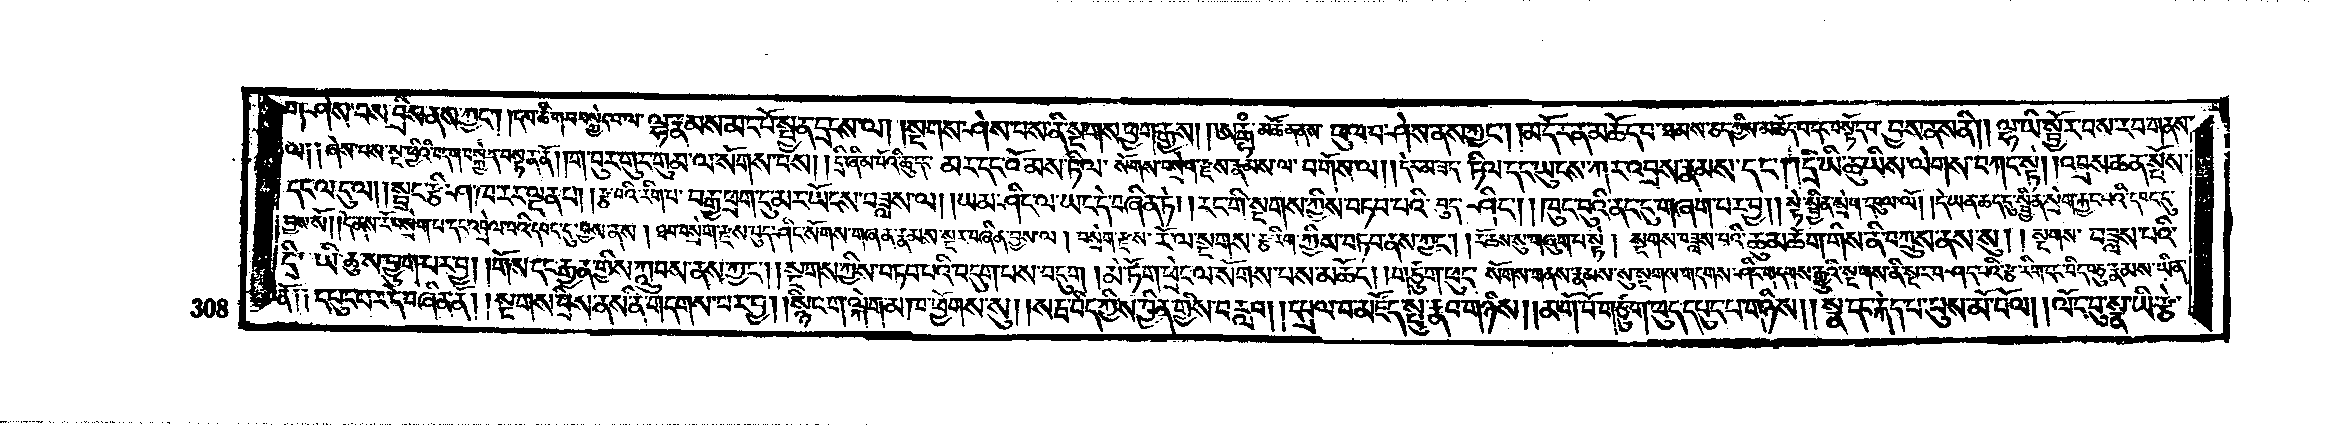ག་ཤེས་པས་བྲིས་ནས་ཀྱང་། ། དམ་ཚིག་པ་བསྐྱེད་པ་ལ་ལྷ་རྣམས་མང་པོ་སྤྱན་དྲངས་ལ། །སྔགས་ཤེས་པས་ནི་སྔགས་ཕྱག་རྒྱས། །ཨརྒྷཾ་མཚོན་ནས།  ཕུལ་བ་ཤེས་ནས་ཀྱང་། །མདོར་ན་མཆོད་པ་ཐམས་ཅད་ཀྱིས་མཆོད་པ་དང་བསྟོད་པ་བྱས་ནས་ནི། །ལྷ་ཡི་སྦྱོར་བས་རབ་གནས་
ལ། ། ཞེས་པས་སྔ་ཕྱིའི་བདག་བསྐྱེད་བསྟན་ནོ། །  ག་བུར་གུར་གུམ་ལ་སོགས་པས། ། དྲི་ཞིམ་པོའི་ཆུ་དང་མར་དང་འོ་མས་ཏིལ་སོགས་བསྲེག་རྫས་རྣམས་ལ་བགོས་ལ། ། དེར་མ་ཟད་ཏིལ་དང་ཡུངས་ཀར་འབྲས་རྣམས་དང་། །དྲི་ཡི་ཆུ་ཡིས་ལེགས་བཀང་སྟེ། །འབྲས་ཆེན་སྤོས་
དང་ལ་ངུ་ལ། །སྦྲང་རྩི་ཤ་ཁ་རར་ལྡན་པ། ། རྩ་བའི་རིག་པ་བརྒྱ་ཕྲག་དུ་མར་ཡོངས་བཟླས་ལ། །ཡམ་ཤིང་ལ་ཡང་དེ་བཞིན་ཏེ། །རང་གི་སྔགས་ཀྱིས་བཏབ་པའི་བུད་ཤིང་། །ཁུང་བུའི་ནང་དུ་གཞག་པར་བྱ། །སྟེ་སྦྱིན་སྲེག་དབུལ་ལོ། །དེ་ཡན་ཆད་དུ་སྦྱིན་སྲེག་རྐྱང་པའི་དབང་དུ་
བྱས་སོ། །དེ་ནས་རོ་བསྲེག་པ་དང་འབྲེལ་བའི་དབང་དུ་བྱས་ནས། ཐབ་བསྲེག་རྫས་བུད་ཤིང་སོགས་གཞན་རྣམས་སྔར་བཞིན་བྱས་ལ། བསྲེག་རྫས་རོ་ལ་སྔགས་རྩ་རིག་ཀྱིས་བཏབ་ནས་ཀྱང་། ། རོ་ཆོས་སུ་གཞུག་པ་སྟེ། སྔགས་བཟླས་པའི་ཆུ་མཆོག་གིས་ནི་བཀྲུས་ནས་སུ། ། སྔགས་བཟླས་པའི་
དྲི་ཡི་ཆུས་བྱུག་པར་བྱ། །གོས་དང་རྒྱན་གྱིས་ཀླུབས་ནས་ཀྱང་། །སྔགས་ཀྱིས་བཏབ་པའི་བདུག་པས་བདུག །མེ་ཏོག་ཕྲེང་ལ་སོགས་པས་མཆོད། །གཙུག་ཕུད་སོགས་གནས་རྣམས་སུ་སྔགས་གདགས་ཤིང་གདགས་རྒྱུའི་སྔགས་ནི་སྔར་བཤད་པའི་རྩ་རིག་དང་བིད་བཅུ་རྣམས་ཡིན་
ནོ། ། དཔུང་པར་དེ་བཞིན་ནོ། །སྔགས་བྲིས་ནས་ནི་གདགས་པར་བྱ། །སྙིང་ག་ལྐོག་མ་ཁ་ཕྱོགས་སུ། །སརྦ་བིད་ཀྱིས་བྱིན་གྱིས་བརླབ། །དཔྲལ་བ་མཛོད་སྤུ་རྣ་བ་གཉིས། །མགོ་བོ་གཙུག་ཕུད་དཔུང་པ་གཉིས། །སྣ་དང་རྐེད་པ་པུས་མོ་བོལ། །ལོང་བུ་སྣ་ཡི་རྩེ་